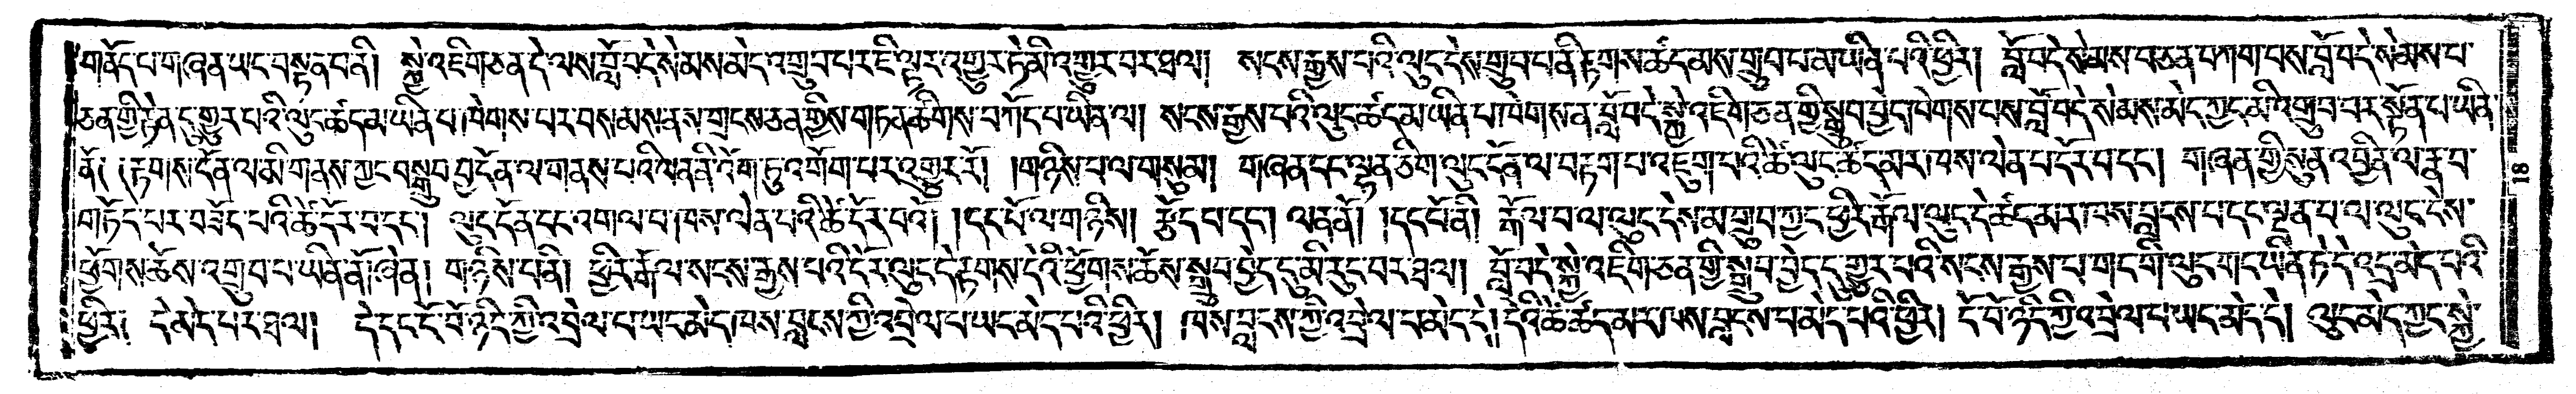གནོད་པ་གཞན་ཡང་བསྟན་པ་ནི། སྐྱེ་འཇིག་ཅན་དེ་ལས་བློ་བདེ་སེམས་མེད་འགྲུབ་པར་ཇི་ལྟར་འགྱུར་ཏེ་མི་འགྱུར་བར་ཐལ། སངས་རྒྱས་པའི་ལུང་དེས་གྲུབ་པ་ནི་རྟགས་ཚད་མས་གྲུབ་པ་མ་ཡིན་པའི་ཕྱིར། བློ་བདེ་སེམས་པ་ཅན་བཀག་པས་བློ་བདེ་སེམས་པ་
ཅན་གྱི་རྟེན་དུ་གྱུར་པའི་ལུང་ཚད་མ་ཡིན་པ་ཁེགས་པར་བསམས་ནས་གྲངས་ཅན་གྱིས་གཏན་ཚིགས་བཀོད་པ་ཡིན་ལ། སངས་རྒྱས་པའི་ལུང་ཚད་མ་ཡིན་པ་ཁེགས་ན་བློ་བདེ་སྐྱེ་འཇིག་ཅན་གྱི་སྒྲུབ་བྱེད་ཁེགས་པས་བློ་བདེ་སེམས་མེད་ཀྱང་མི་འགྲུབ་པར་སྟོན་པ་ཡིན་
ནོ༑ ༑རྟགས་དོན་ལ་མི་གནས་ཀྱང་བསྒྲུབ་བྱ་དོན་ལ་གནས་པའི་ལན་ནི་འོག་ཏུ་འགོག་པར་འགྱུར་རོ། །གཉིས་པ་ལ་གསུམ། གཞན་དང་ལྷན་ཅིག་ལུང་དོན་ལ་བརྟག་པ་འཇུག་པའི་ཚེ་ལུང་ཚད་མར་ཁས་ལེན་པ་དོར་བ་དང་། གཞན་གྱི་སུན་འབྱིན་ལ་རྣ་བ་
གཏོད་པར་བཟོད་པའི་ཚེ་དོར་བ་དང་། ལུང་དོན་དང་འགལ་བ་ཁས་ལེན་པའི་ཚེ་དོར་བའོ། །དང་པོ་ལ་གཉིས། རྩོད་པ་དང་། ལན་ནོ། །དང་པོ་ནི། རྒོལ་བ་ལ་ལུང་ངེས་མ་གྲུབ་ཀྱང་ཕྱིར་རྒོལ་ལུང་དེ་ཚད་མར་ཁས་བླངས་པ་དང་ལྔ་པ་ལ་ལུང་ངེས་
ཕྱོགས་ཆོས་འགྲུབ་པ་ཡིན་ནོ། ཞེ་ན། གཉིས་པ་ནི། ཕྱིར་རྒོལ་སངས་རྒྱས་པའི་དོར་ལུང་དེ་རྟགས་དེའི་ཕྱོགས་ཆོས་སྒྲུབ་བྱེད་དུ་མི་རུང་བར་ཐལ། བློ་བདེ་སྐྱེ་འཇིག་ཅན་གྱི་སྒྲུབ་བྱེད་དུ་གྱུར་པའི་སངས་རྒྱས་པ་གང་གི་ལུང་གང་ཡིན་ཏེ་དེ་འདྲ་མེད་པའི་
ཕྱིར༑ དེ་མེད་པར་ཐལ། དེ་དང་ངོ་བོ་ཉིད་ཀྱི་འབྲེལ་པ་ཡང་མེད་ཁས་བླངས་ཀྱི་འབྲེལ་པ་ཡང་མེད་པའི་ཕྱིར། ཁས་བླངས་ཀྱི་འབྲེལ་པ་མེད་དེ། དེའི་ཚེ་ཚད་མར་ཁས་བླངས་པ་མེད་པའི་ཕྱིར། ངོ་བོ་ཉིད་ཀྱི་འབྲེལ་པ་ཡང་མེད་དེ། ལུང་མེད་ཀྱང་སྐྱེ་